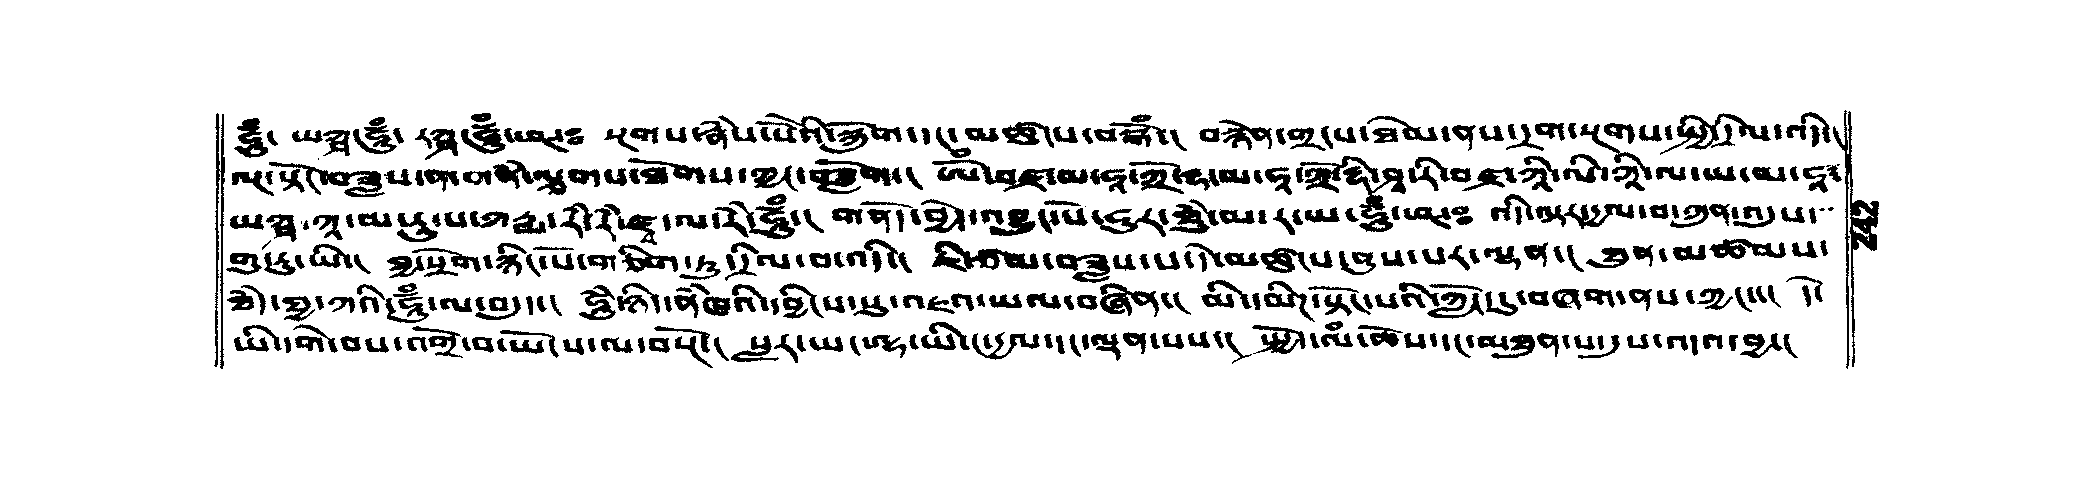ཧཱུྃ། ཡཀྴ་ཧཱུྃ།རཀྴ་ཧཱུྃ་ཕཊཿ སྔགས་རྣམས་སོ་སོའི་སྐུ་མདོག་དག་མཚུངས་བསྒོམ། བསྙེན་གྲངས་ཐེམ་ནས་དྲག་སྔགས་སྤྱི་དྲིལ་འདི་
ལྔ་སྟོང་བཟླས་ན་གནས་ལྕགས་ཐོགས་ཀྱང་བཟློག་ཨོྃ་བཛྲ་མ་ཧཱ་ཀྲོ་དྷ་མ་ཧཱ་ཀྲོ་དྷི་ཤྭ་རི་བཛྲ་ཀཱི་ལི་ཀཱི་ལ་ཡ་མ་ཧཱ་
ཨཀྴ་ཀཱ་མ་རཱུ་པ་ཀརྨ་རམ་རམ་ཛྭ་ལ་རཾ་ཧཱུྃ། གནོད་བྱེད་འབྱུང་པོ་ཧུར་ཐུམ་མ་ར་ཡ་ཧཱུྃ་ཕཊཿ འདི་ལྟར་རྒྱལ་བ་ཀུན་འདུས་
གུ་རུ་ཡི། །ཐུགས་སྲོག་སྙིང་པོ་གཅིག་ཏུ་དྲིལ་བ་འདི། །ཇི་ཙམ་བཟླས་པ་དེ་མཚུངས་ནུས་པར་ལྡན། །ཐུན་མཚམས་
ཐམས་ཅད་ཐུགས་ཀའི་ཧཱུྃ་ལ་བདུད། །ཧཱུྃ་ཉིད་ནམ་མཁའི་དབྱིངས་སུ་འཇའ་ཡལ་བཞིན། །མི་དམིགས་སྟོང་པའི་ཀློང་དུ་བཞག་ནས་ཀྱང་།དེ་
ཡི་དགེ་བས་འགྲོ་བ་ཡོངས་ལ་བསྔོ་། སླར་ཡང་ལྷ་ཡི་ང་རྒྱལ་དང་ལྡན་པས། །སྤྱོད་ལམ་ཆོས་དང་མཐུན་པ་དུས་འདའ་བྱ། །